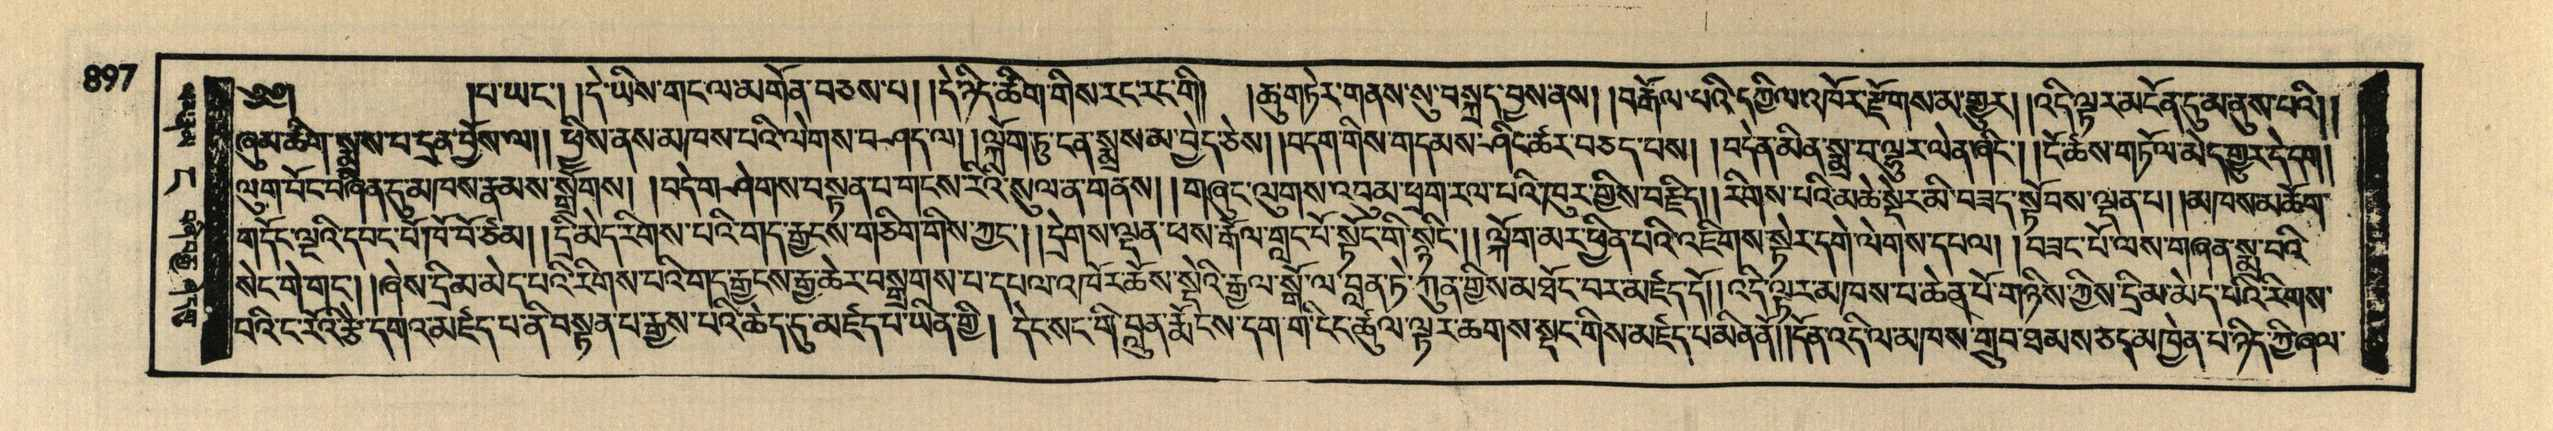༄༅། །པ་ཡང་། །དེ་ཡིས་གང་ལ་མགོན་བཅས་པ། །དེ་ཉིད་ཚིག་གིས་རང་རང་གི། །ཆུ་གཏེར་གནས་སུ་བསྐྲད་བྱས་ནས། །བརྒོལ་པའི་དཀྱིལ་འཁོར་རྫོགས་མ་གྱུར། །འདི་ལྟར་མངོན་དུ་མ་ནུས་པའི། །
ཞུམ་ཚིག་སྨྲས་པ་དྲན་བྱོས་ལ། །ཕྱིས་ནས་མཁས་པའི་ལེགས་བཤད་ལ། །ལྐོག་ཏུ་ངན་སྨྲས་མ་བྱེད་ཅེས། །བདག་གིས་གདམས་ཤིང་ཚར་བཅད་པས། །བདེན་མིན་སྨྲ་བ་ལྷུར་ལེན་ཞིང་། །ངོ་ཚས་གཏོལ་མེད་གྱུར་དེ་དག།
ལུག་བོང་བཞིན་དུ་མཁས་རྣམས་སྒྲོགས། །བདེ་གཤེགས་བསྟན་པ་གངས་རིའི་སུལ་ན་གནས། །གཞུང་ལུགས་འབུམ་ཕྲག་རལ་པའི་ཁུར་གྱིས་བརྗིད། །རིགས་པའི་མཆེ་སྡེར་མི་བཟད་སྟོབས་ལྡན་པ། །མཁས་མཆོག་
གདོང་ལྔའི་དབང་པོ་ཁོ་བོ་ཙམ། །དྲི་མེད་རིགས་པའི་གད་རྒྱངས་གཅིག་གིས་ཀྱང་། །དྲེགས་ལྡན་ཕས་རྒོལ་གླང་པོ་སྟོང་གི་སྙིང་། །ལྐོག་མར་ཕྱིན་པའི་འཇིགས་སྟེར་དགེ་ལེགས་དཔལ། །བཟང་པོ་ལས་གཞན་སྨྲ་བའི་
སེང་གེ་གང་། །ཞེས་དྲི་མ་མེད་པའི་རིགས་པའི་གང་རྒྱངས་རྒྱ་ཆེར་བསྒྲགས་པ་དཔལ་འཁོར་ཆོས་སྡེའི་རྒྱལ་སྒོ་ལ་བླན་ཏེ་ཀུན་གྱིས་མཐོང་བར་མཛད་དོ། །འདི་ལྟར་མཁས་པ་ཆེན་པོ་གཉིས་ཀྱིས་དྲི་མ་མེད་པའི་རིགས་
བའི་ང་རོའི་རྩེ་དགའ་མཛད་པ་ནི་བསྟན་པ་རྒྱས་པའི་ཆེད་དུ་མཛད་པ་ཡིན་གྱི། དེང་སང་གི་བླུན་རྨོངས་དག་གི་ངང་ཚུལ་ལྟར་ཆགས་སྡང་གིས་མཛད་པ་མིན་ནོ། །དོན་འདི་ལ་མཁས་གྲུབ་ཐམས་ཅད་མཁྱེན་པ་ཉིད་ཀྱི་ཞལ་